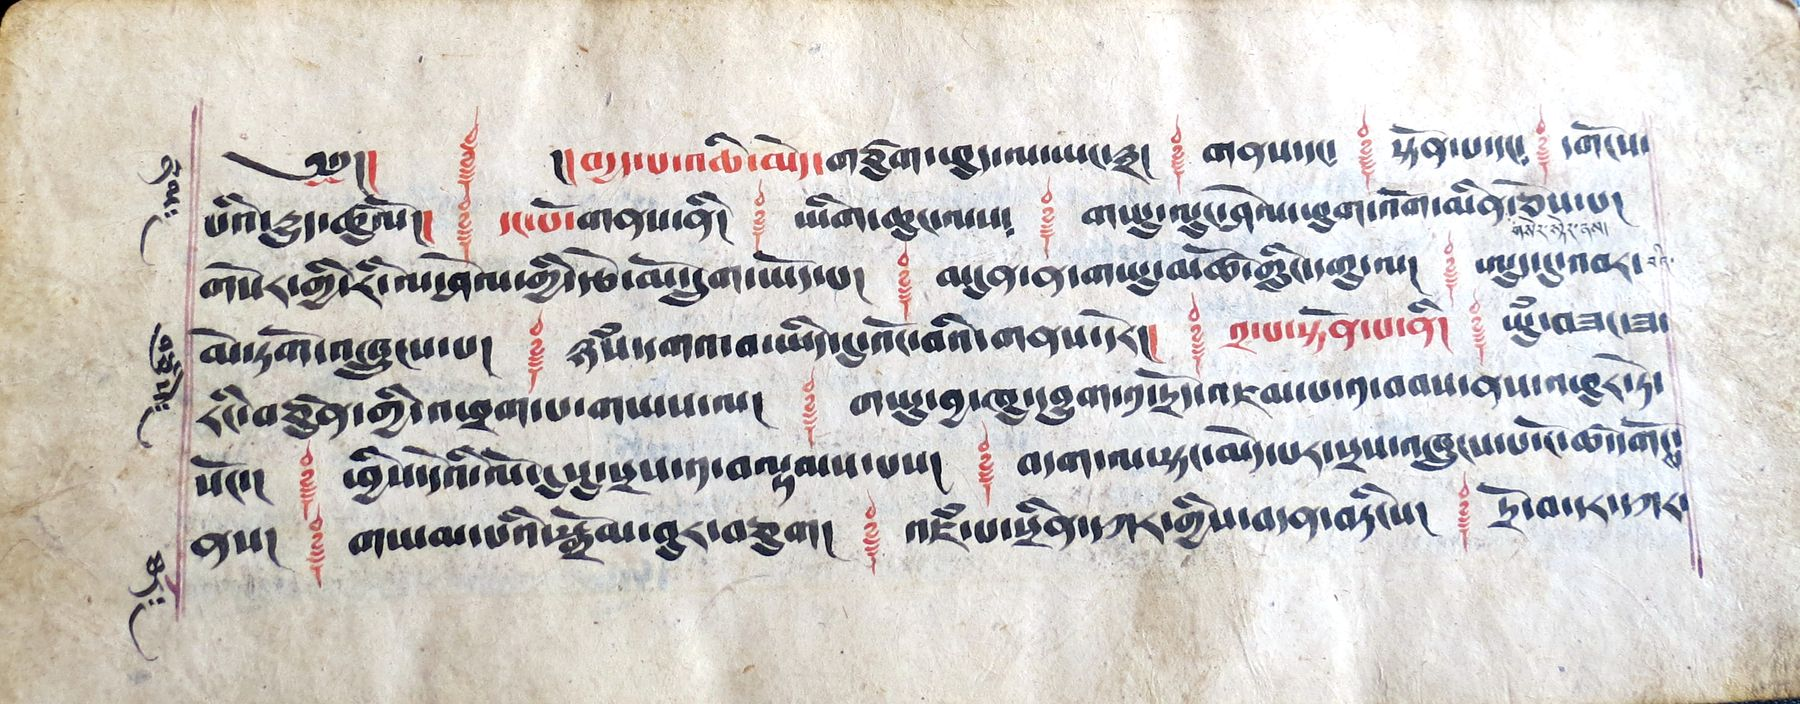བརྒྱད་པ་འཆི་མེད་གཙུག་ཕུད་ལ་ཡང་གསུམ། གནས་དང་སྟོན་པ་དང་། དགོངས་
པའི་བརྒྱུད་ཚུལ་ལོ། ། དང་པོ་གནས་ནི། གཡུ་ལུང་ཤེལ་ཕུག་འོག་མིན་ཞེས་པས། 
གསེར་གྱི་རི་ལ་ཤེལ་གྱི་རྩེ་མོ་དྲུག་ཡོད་པ། མདུན་ན་གཡུ་མཚོ་གླིང་དགུ་ལ། ཨུད་དུ་འབར་བའི་
མེ་ཏོག་འཁྲུངས་པ། ཉམས་དགའ་བ་ཡིད་དུ་འོང་བའི་གནས་དེར། གཉིས་པ་སྟོན་པ་ནི། ཡུམ་བཟང་བཟའ་
རིང་བཙུན་གྱི་འཕྲག་པ་གཡས་ལ། གཡུ་བྱ་ཁུ་བྱུག་ཅིག་དྲོད་འཇམ་པ་ཞིག་བབས་ནས་འཕུར་ཏེ་
སོང་། ཕྱི་དེ་ལོའི་དུས་སུ་སྲས་ཤིག་བལྟམས་པས། བདག་ལ་སྟང་མེད་པར་སྲས་འཁྲུངས་པ་ངོ་ཚ་དགོངས་
ནས། གཡམ་པའི་སྒྲོམ་བུར་བཅུག འཇམ་པ་སྲིན་དཀར་གྱི་གདན་བཏིང་། དྲོ་བ་དར་དཀར་